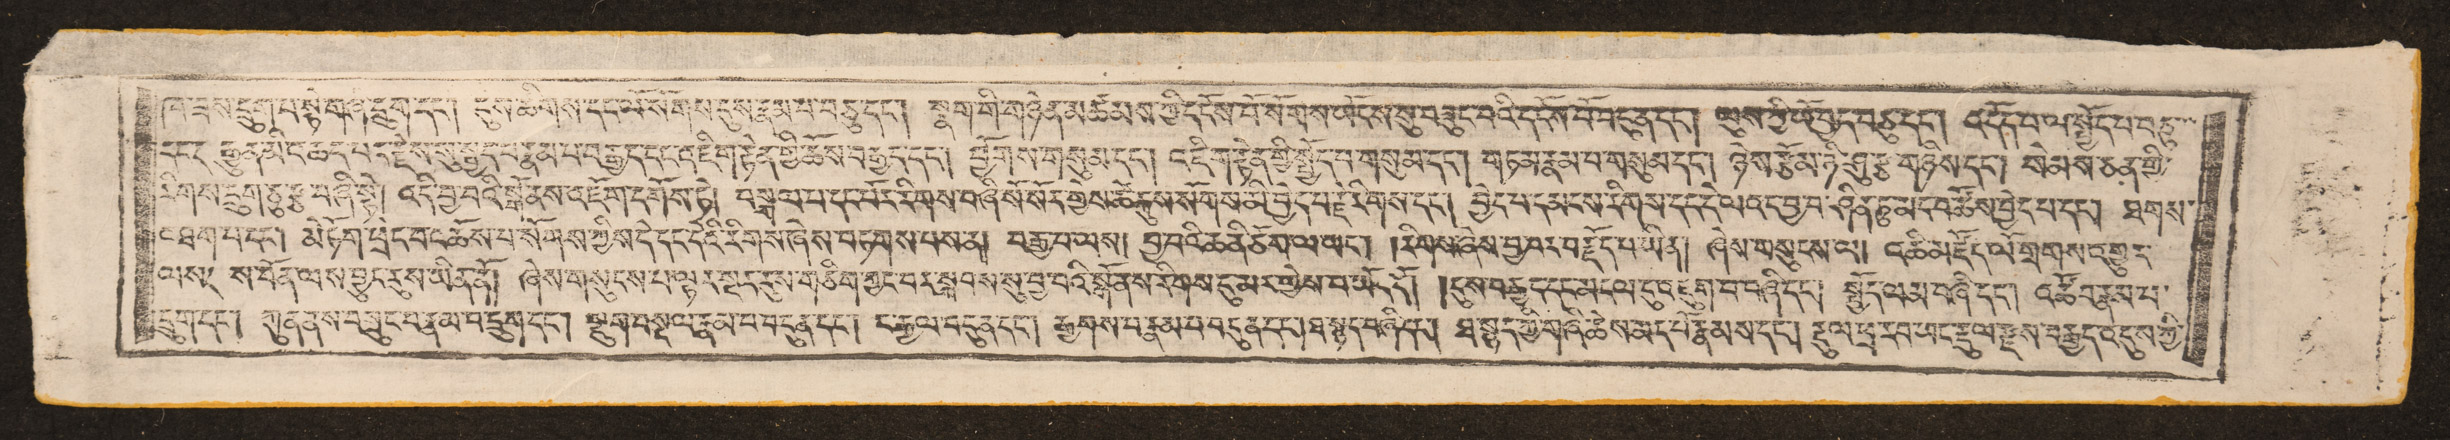ཁ་ཟས་དྲུག་པ་སྟེ་གཞི་དྲུག་དང་། དུས་ཆིགས་དང་ལོ་སོགས་དུས་ནམ་པ་བཅུ་དང་། སྣག་གི་གཉེན་མ་ཚམས་ཀྱི་དངོས་པོ་སོགས་ཡོངས་སུ་བཟུང་བའི་དངོས་པོ་བདུན་དང་། ལུས་ཀྱི་ཡེ་བྱད་བཅུ་དང་། འདོད་པ་ལ་སྤྱོད་པ་བཅུ་
དང༑ རྒྱུན་མི་འཆད་པར་རྗེས་སུ་སྦྱང་པ་རྣམ་པ་བརྒྱད་དང་འཇིག་རྟེན་གྱི་ཆོས་བརྒྱད་དང་། ཕྱོགས་གསུམ་དང་། འཇིག་རྟེན་གྱི་སྤྱོད་པ་གསུམ་དང་། གཏམ་རྣམ་པ་གསུམ་དང་། ཉེས་རྩོམ་ཉི་ཤུ་རྩ་གཉིས་དང་། སེམས་ཅན་གྱི་
རིགས་དྲུག་ཅུ་རྩ་བཞི་སྟེ། འདི་བྱ་བའི་སྒོ་ནས་འཇོག་དགོས་ཏེ། བསྐལ་པ་དང་པོར་རིགས་བཞི་སོ་སོར་བྱེས་ཆོ་རྐུས་སོགས་མི་བྱེད་བ་རྗེ་རིགས་དང་། བྱེད་པ་དམངས་རིགས་དང་དེ་ལའང་བྱ་བ་ཤིན་ཏུ་མང་བ་ཚོས་བྱེད་པ་དང་། ཐགས་
འཐག་པ་དང་། མེ་ཏོག་ཕྲེང་བ་འཆོས་པ་སོགས་ཀྱིས་དེ་དང་དེའི་རིགས་ཞེས་བཏགས་པས་ན། བརྒྱ་བ་ལས། བྱ་བའི་ཆ་ནི་ཅོག་ལ་ཡང་། །རིགས་ཞེས་བྱ་བར་བརྗོད་པ་ཡིན། ཞེས་གསུངས་ལ། འཆི་མཛོད་ལོ་གྲགས་འགྱུར་
ལས༑ ས་བོན་ལས་བྱུང་རུས་ཡིན་ནོ། ཞེས་གསུངས་པ་ལྟར་སྔར་རུས་གཅིག་ཀྱང་བར་སྐབས་སུ་བྱ་བའི་སྒོ་ནས་རིགས་དུ་མར་གྱེས་པ་ཡོད་དོ། །དུས་བརྒྱད་དང་མངལ་དུ་འཇུག་པ་བཞི་དང་། སྤྱོད་ལམ་བཞི་དང་། འཆོབ་རྣམ་པ་
དྲུག་དང་། གུན་ནས་བསྲུང་བ་རྣམ་པ་དྲུག་དང་། སྡུག་བསྔལ་རྣམ་པ་བདུན་དང་། ང་རྒྱལ་བདུན་དང་། རྒྱགས་པ་རྣམ་བ་བདུན་དང་། ཐ་སྙད་བཞི་དང་། ཐ་སྙད་ཀྱི་གཞི་ཆེས་མང་པོ་རྣམས་དང་། རྡུལ་ཕྲ་རབ་ཡང་རྡུལ་རྫས་བརྒྱང་འདུས་ཀྱི་